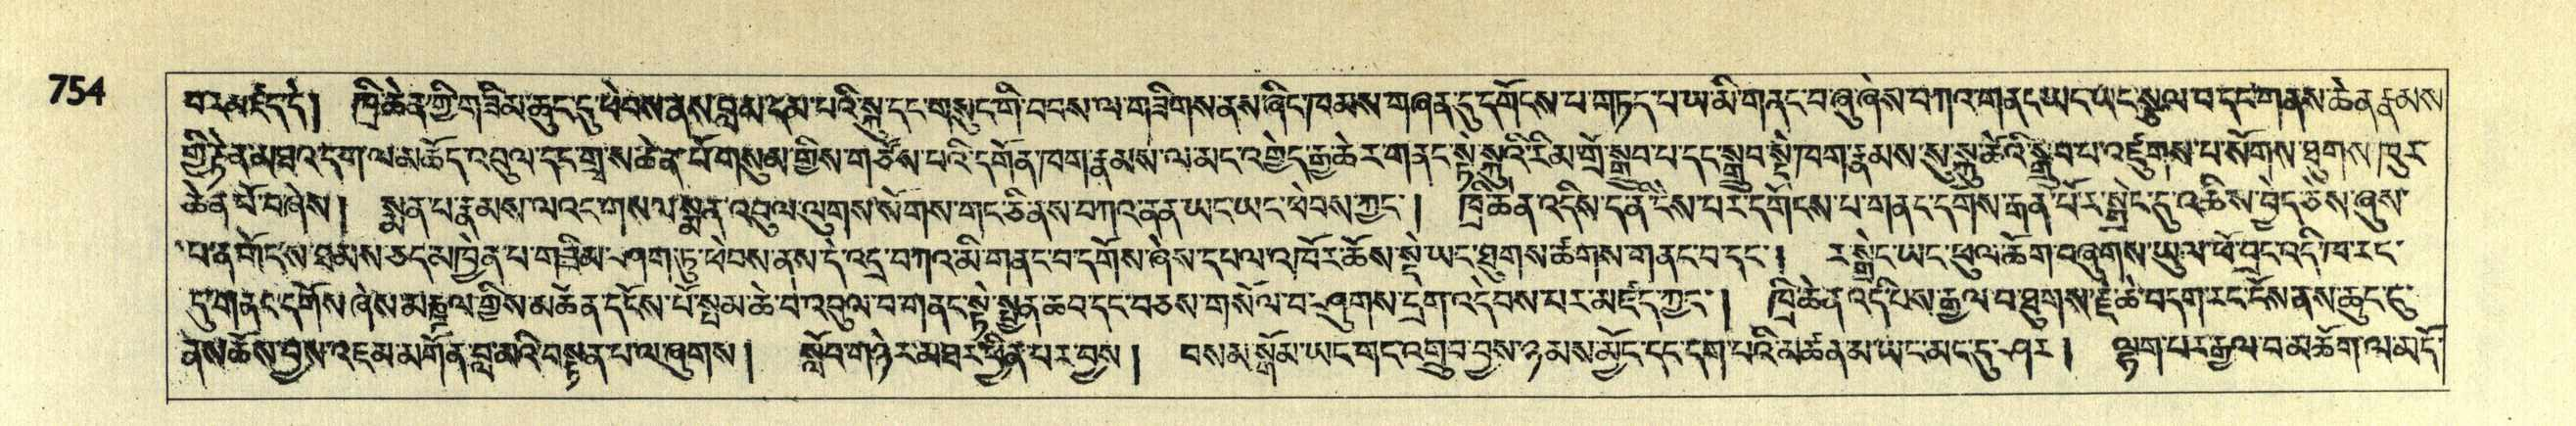བར་མཛད་དེ། ཁྲི་ཆེན་གྱི་གཟིམ་ཆུང་དུ་ཕེབས་ནས་བླ་མ་དམ་པའི་སྐུ་དང་གསུང་གི་བབས་ལ་གཟིགས་ནས་ཞིང་ཁམས་གཞན་དུ་དགོངས་པ་གཏད་པ་ཡ་མི་གནང་བ་ཞུ་ཞེས་བཀའ་གནང་ཡང་ཡང་སྩལ་བ་དང་གནས་ཆེན་རྣམས་
གྱི་རྟེན་མཐའ་དག་ལ་མཆོད་འབུལ་དང་གྲྭ་ས་ཆེན་པོ་གསུམ་གྱིས་གཙོས་པའི་དགོན་ཁག་རྣམས་ལ་མང་འགྱེད་རྒྱ་ཆེར་གནང་སྟེ་སྐུའི་རིམ་གྲོ་སྒྲུབ་པ་དང་སྒྲུབ་སྡེ་ཁག་རྣམས་སུ་སྐུ་ཚེའི་སྒྲུབ་པ་འཛུགས་པ་སོགས་ཐུགས་ཁུར་
ཆེན་པོ་བ་ཞེས། སྨན་པ་རྣམས་ལའང་གསལ་སྨན་འབུལ་ལུགས་སོགས་གང་ཅི་ནས་བཀའ་ནན་ཡང་ཡང་ཕེབས་ཀྱང་། ཁྲི་ཆེན་འདིས་ད་ནི་ངེས་པར་དགོངས་པ་གནང་དགོས་རྒན་པོར་སྒྲེང་དུ་འཆིས་བྱེད་ཅེས་ཞུས་
བ་ན་གོང་ས་ཐམས་ཅད་མཁྱེན་པ་གཟིམ་ཤག་ཏུ་ཕེབས་ནས་དེ་འདྲ་བཀའ་མི་གནང་བ་དགོས་ཞེས་དཔལ་འཁོར་ཆོས་སྡེ་ཡང་ཐུགས་ཚགས་གནང་བ་དང་། ར་སྒྲེང་ཡང་ཕུལ་ཆོག་བཞུགས་ཡུལ་ཕོ་བྲང་འདི་ཁ་རང་
དུ་གནང་དགོས་ཞེས་མཎྜལ་གྱིས་མཆོན་དངོས་པོ་སྤམ་ཆེ་བ་འབུལ་བ་གནང་སྟེ་སྤྱན་ཆབ་དང་བཅས་གསོལ་བ་ཤུགས་དྲག་འདེབས་པར་མཛད་ཀྱང་། ཁྲི་ཆེན་འདི་པས་རྒྱལ་བ་ཐུགས་རྗེ་ཆེ་བདག་རང་ངོས་ནས་ཆུང་ངུ་
ནས་ཆོས་བྱས་འཇམ་མགོན་བླ་མའི་བསྟན་པ་ལ་ཞུགས། སློབ་གཉེར་མཐར་ཕྱིན་པར་བྱས། བསམ་སྒོམ་ཡང་གང་འགྲུབ་བྱས་ཉམས་མྱོང་དང་དག་པའི་མཚན་མ་ཡང་མང་དུ་ཤར། ལྷག་པར་རྒྱལ་བ་མཆོག་ལ་མདོ་